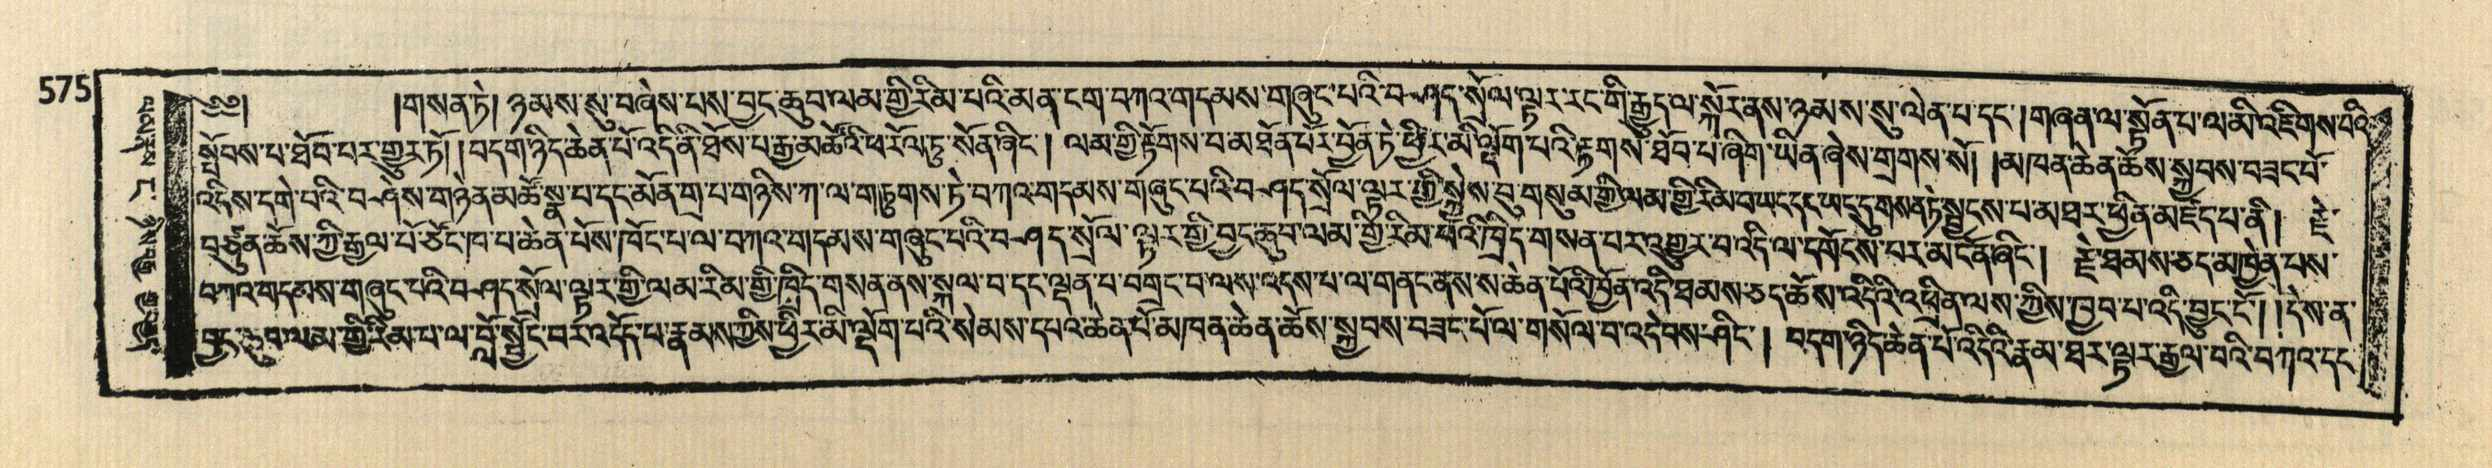༄༅། །གསན་ཏེ། ཉམས་སུ་བཞེས་པས་བྱང་ཆུབ་ལམ་གྱི་རིམ་པའི་མན་ངག་བཀའ་གདམས་གཞུང་པའི་བཤད་སྲོལ་ལྟར་རང་གི་རྒྱུད་ལ་སྐོར་ནས་ཉམས་སུ་ལེན་པ་དང་། གཞན་ལ་སྟོན་པ་ལ་མི་འཇིགས་པའི་
སྤོབས་པ་ཐོབ་པར་གྱུར་ཏོ། །བདག་ཉིད་ཆེན་པོ་འདི་ནི་ཐོས་པ་རྒྱ་མཚོའི་ཕ་རོལ་ཏུ་སོན་ཞིང་། ལམ་གྱི་རྟོགས་བ་མཐོན་པོར་བྱོན་ཏེ་ཕྱིར་མི་ལྡོག་པའི་རྟགས་ཐོབ་པ་ཞིག་ཡིན་ཞེས་གྲགས་སོ། །མཁན་ཆེན་ཆོས་སྐྱབས་བཟང་པོ་
འདིས་དགེ་བའི་བཤེས་གཉེན་མཚོ་སྣ་པ་དང་མོན་གྲ་པ་གཉིས་ཀ་ལ་གཏུགས་ཏེ་བཀའ་གདམས་གཞུང་པའི་བཤད་སྲོལ་ལྟར་གྱི་སྐྱེས་བུ་གསུམ་གྱི་ལམ་གྱི་རིམ་བ་ཡང་དང་ཡང་དུ་གསན་ཏེ་སྦྱངས་པ་མཐར་ཕྱིན་མཛད་པ་ནི། རྗེ་
བཙུན་ཆོས་ཀྱི་རྒྱལ་པོ་ཙོང་ཁ་པ་ཆེན་པོས་ཁོང་པ་ལ་བཀའ་གདམས་གཞུང་པའི་བཤད་སྲོལ་ལྟར་གྱི་བྱང་ཆུབ་ལམ་གྱི་རིམ་པའི་ཁྲིད་གསན་པར་འགྱུར་བ་འདི་ལ་དགོངས་པར་མངོན་ཞིང་། རྗེ་ཐམས་ཅད་མཁྱེན་པས་
བཀའ་གདམས་གཞུང་པའི་བཤད་སྲོལ་ལྟར་གྱི་ལམ་རིམ་གྱི་ཁྲིད་གསན་ནས་སྐལ་བ་དང་ལྡན་པ་བགྲང་བ་ལས་འདས་པ་ལ་གནང་ནས་ས་ཆེན་པོའི་ཁྱོན་འདི་ཐམས་ཅད་ཆོས་འདིའི་འཕྲིན་ལས་ཀྱིས་ཁྱབ་པ་འདི་བྱུང་ངོ། །དེས་ན་
བྱང་ཆུབ་ལམ་གྱི་རིམ་པ་ལ་བློ་སྦྱོང་བར་འདོད་པ་རྣམས་ཀྱིས་ཕྱིར་མི་ལྡོག་པའི་སེམས་དཔའ་ཆེན་པོ་མཁན་ཆེན་ཆོས་སྐྱབས་བཟང་པོ་ལ་གསོལ་བ་འདེབས་ཤིང་། བདག་ཉིད་ཆེན་པོ་འདིའི་རྣམ་ཐར་ལྟར་རྒྱལ་བའི་བཀའ་དང་